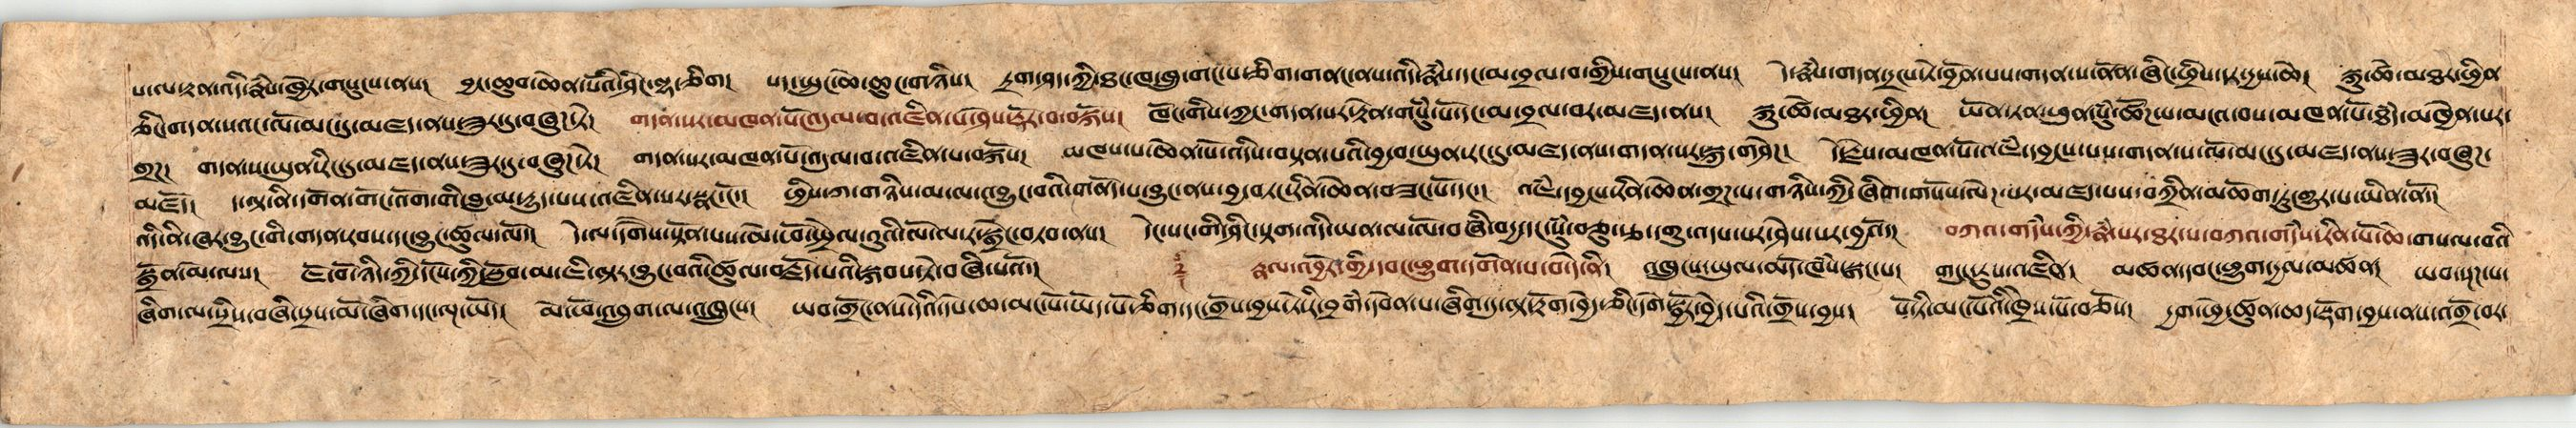པ་ལ་རྟན་འདི་རྣཾས་ཁྱེར་གསུངས་ནས། བྱང་ཆུབ་ཆེན་པོའི་ཤིང་ལྷ་ཅིག། པད་སྤུང་ཆེ་ཆུང་བ་གཉིས། ཏྲག་ཤད་ཀྱི་ཐང་ཁ་ཁྲུ་གང་པ་ཅིག་གནང་ནས་འདི་རྣཾས་དང་མ་བྲལ་བ་གྱིས་གསུངས་ནས། དེ་རྣཾས་གདན་དྲངས་ཏེ་བྱོན་པས་གདན་ས་ནོན་ཞིང་ཕྲིས་དར་དྱས་ཆེ། སྐུ་ཚེ་མཐར་ཕྱིན་
ཅིང་གདན་སའང་ལོ་མང་དུ་མཛད་ནས་ཟུར་དུ་བཞུཌ་ཏེ། གདན་སར་མཁན་པོ་འདུལ་བ་འཛིན་པ་ཤེས་རྡོར་བ་བསྐོས། ཁོང་གིས་ཀྱང་གདན་སར་རྟེན་གསུཾ་པོ་དང་མ་བྲལ་བར་མཛད་ནས། སྐུ་ཚེ་མཐར་ཕྱིན། ཡོན་ཏན་ཕུན་སུཾ་ཚོཌ་པ་མངའ་བས་མཁན་པོ་ཐཾད་མཁྱེན་པར་
གྲཌ། གདན་ས་ཡུན་རིང་དུ་མཛད་ནས་ཟུར་དུ་བཞུཌ་ཏེ། གདན་སར་མཁན་པོ་འདུལ་བ་འཛིན་པ་བསྐོས། མཁས་པ་ཆེན་པོ་འདིས་བསྟན་པའི་བྱ་བ་ཡུན་རང་དུ་མཛད་ནས་གདན་སར་སྐུ་གཤེཌ། དེ་རྗེས་མཁན་པོ་འཇཾ་དབྱངས་པས་གདན་ས་ལོ་མང་དུ་མཛད་ནས་ཟུར་བཞུཌ་
མཛདོ། ད་ལྟ་ནི་དགོན་གོང་འོག་གི་བླ་མ་དྱུད་པས་འཛིན་པར་སྣང་ངོ་། ཕྱིས་ཀ་གཉིས་མ་ལ་འབྱུང་བའི་གནོད་པ་བྱུང་ནས་བྱ་བཏང་རིན་ཆེན་བཟང་པོ་དང་། འཇཾ་དབྱངས་རིན་ཆེན་གྲཌ་པ་གཉིས་ཀྱི་ཞིག་གསོས་ལེཌ་པར་མཛད་པས་བཀྲིན་མཆོག་ཏུ་གྱུར་པ་ཡིན་ནོ་།
འདི་ནི་ཞར་བྱུང་གི་གདན་རབས་དང་བྱུང་ཚུལ་ལོ། དེ་ལ་དགཻས་སྟོན་པས་མེ་ཕོ་སྤྲེལ་འུའི་ལོ་ལ་ར་སྒྲེང་བཏབ་ནས། དེང་སང་གི་ཤིང་སྟག་འདི་ཡན་ལ་ལོ་བཞི་བདྱ་དང་སུཾ་བཅུ་རྩ་དགུ་འདས་པར་ཤེས་པར་བྱའོ་། བཀའ་གདཾས་ཀྱི་རྣཾ་པར་ཐར་པ་བཀའ་གདཾས་རིན་པོ་ཆེ་གསལ་བའི་
སྒྲོན་མེ་ལས། ཇོ་བོ་ཉིད་ཀྱི་དངོས་ཀྱི་སློབ་མ་ཇི་ལྟར་བྱུང་བའི་ཚུལ་བརྗོད་པའི་སྐབས་ཏེ་བཞི་པའོ། ༈ རྣལ་འབྱོར་གྱི་དབང་ཕྱུག་དགོན་པ་བ་དེ་ནི། འཁྲུངས་ཡུལ་མདོ་ཁཾས་སྒང་པ། གདུང་རུས་འཛིན། མཚན་དབང་ཕྱུག་དྱལ་མཚན། ཡབ་སྔཌ་པ་
ཞིག་ལ་སྲིས་བཞི་སྲས་མོ་ཞིག་དང་ལྔ་ཡོད། མེ་ཕོ་འབྲུག་ལ་འཁྲུངས། ཡབ་གྲོང་ནས་དེའི་དཔེ་ཆ་མང་པོ་ཡོད་པོ་ཅིག་དང་གྲོས་བྱས་ཏེ་རི་བྲགཾ་དབེན་ས་ཞིག་དུ་ལྟ་རྔོག་བྱེད་ཅིང་དགེ་སྦྱོར་བྱེད་པའི་གྲོས་བྱས། པོ་ཏི་མང་པོའི་ཁྲིེས་པོ་བཅོས། དྱག་ཕྱེ་ཚུན་ཆད་སྡོག་བྱས་ནས་འགྲོ་བར་